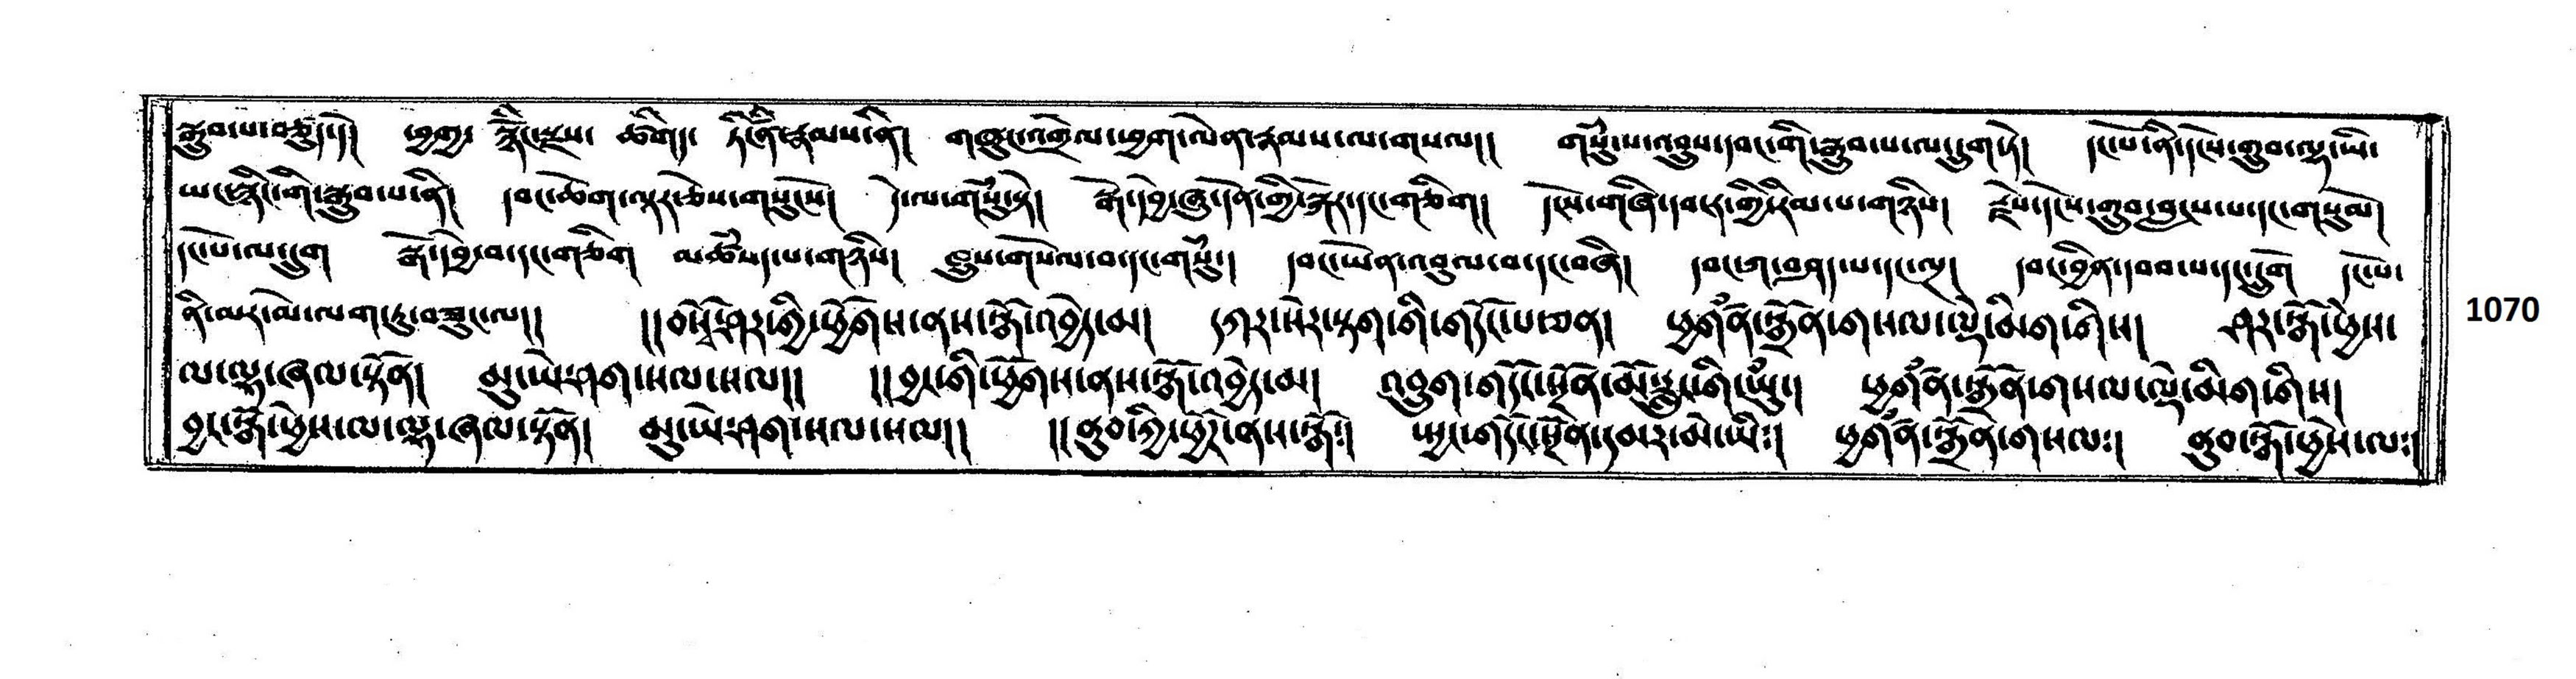སྒྲུབ་པ་བཅུད་དེ། ཕྱག་རྒྱ་སྙིང་པོ་རྫས་ཚིག་བཤད་ཏིང་འཛིན་རྣམས་ནི། གཞུང་འགྲེལ་ཕྱག་ལེན་རྣམས་ལ་གསལ།། གསུམ་པ་འབྲས་བུ་དབང་གི་སྒྲུབ་པ་ལ་དྲུག་ཏེ། དང་པོ་ནི་དངོས་གྲུབ་ལྷ་ཡི་
ཡང་སྙིང་གི་སྒྲུབ་པ་ནི། དབང་ཆོག་ལྟར་ཅེས་གསུངས་སོ། དེ་ལ་གསུམ་སྟེ། སྒོ་དབྱེ་ཞུ་དོན་གྱི་སྐོར་དང་གཅིག དངོས་གཞི་དབང་བསྐུར་གྱི་རིམ་པ་གཉིས། རྗེས་དངོས་གྲུབ་བླངས་པ་དང་གསུམ་མོ། 
དང་པོ་ལ་དྲུག སྒོ་དབྱེ་བ་དང་གཅིག མཚམས་བཅད་པ་གཉིས། ཁྲུས་གསོལ་བ་དང་གསུམ། དབང་ཡོན་འབུལ་བ་དང་བཞི། དབང་ཀ་བཤད་པ་དང་ལྔ། དབང་བྱིན་དབབ་པ་དང་དྲུག་གོ དང་པོ་
ནི་མར་མེ་ལག་ཏུ་བཟུང་ལ།། །།བསྭོ་ཤར་གྱི་ཕྱོགས་ནས་སྒོ་འབྱེད་མ། དཀར་སེར་སྟག་གི་གདོང་པ་ཅན། ཕྱག་མཚན་སྒྲོན་གསལ་ལྡེ་མིག་གིས། ཤར་སྒོ་ཕྱེས་
ལ་ལྷ་ཞལ་སྟོན། མུ་ཡེ་ཤག་སལ་སལ།། །།བྱང་གི་ཕྱོགས་ནས་སྒོ་འབྱེད་མ། འབྲུག་གདོང་སྔོན་མོ་རླུང་གི་ཡུམ། ཕྱག་མཚན་སྒྲོན་གསལ་ལྡེ་མིག་གིས། 
བྱང་སྒོ་ཕྱེས་ལ་ལྷ་ཞལ་སྟོན། མུ་ཡེ་ཤག་སལ་སལ།། །།ནུབ་ཀྱི་ཕྱོགས་ནས་སྒོ༴། སྤྱང་གདོང་སྔོན་དམར་མེ་ཡི༴། ཕྱག་མཚན་སྒྲོན་གསལ༴། ནུབ་སྒོ་ཕྱེས་ལ༴།